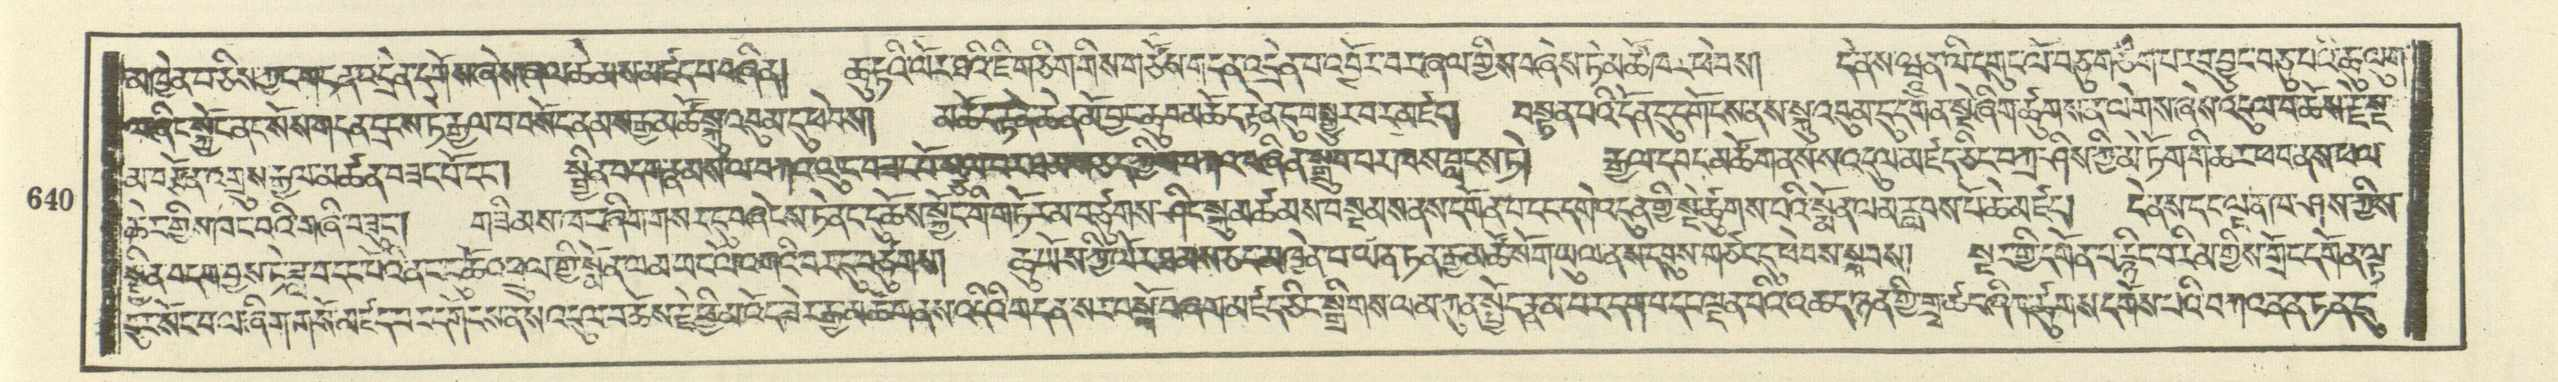མཁྱེན་པ་ཅིས་ཀྱང་གདན་འདྲེན་དགོས་ཞེས་ཞལ་ཆེམས་མཛད་པ་བཞིན། ཆུ་རྟའི་ལོར་ཐའི་ཇི་གཅིག་གིས་གཙོས་གདན་འདྲེན་པ་འབྱོར་བར་ཞལ་གྱིས་བཞེས་ཏེ་མཚོ་ཁར་ཕེབས། དེ་ནས་ཝན་ལི་དགུང་ལོ་བཅུ་གཅིག་པ་རབ་བྱུང་བཅུ་པའི་ཆུ་ལུག་
ལ་ཞིང་སྐྱོང་ནང་སོས་གདན་དྲངས་ཏེ་རྒྱལ་བ་བསོད་ནམས་རྒྱ་མཚོ་སྐུ་འབུམ་དུ་ཕེབས། མཆོད་རྟེན་ཆེན་མོ་བྱང་ཆུབ་མཆོད་རྟེན་དུ་བསྒྱུར་བར་མཛད། བསྟན་པའི་དོན་དུ་དགོངས་ནས་སྐུ་འབུམ་དུ་དགོན་སྡེ་ཞིག་ཚུགས་ན་ལེགས་ཞེས་འདུལ་བ་ཆོས་རྗེ་སྔ་
མ་བརྩོན་འགྲུས་རྒྱལ་མཚན་བཟང་པོ་དང་། སྦྱིན་བདག་རྣམས་ལ་བཀའ་ལུང་བཟང་པོ་སྩལ་བར་ཐམས་ཅད་ཀྱིས་བཀའ་བཞིན་སྒྲུབ་པར་ཁས་བླངས་ཏེ། རྒྱལ་དབང་མཆོག་ནས་ས་འདུལ་མཛད་ཅིང་བཀྲ་ཤིས་ཀྱི་མེ་ཏོག་གི་ཆར་ཕབ་ནས་ཕལ་
ཆེར་གྱིས་ཁང་བའི་གཞི་བཟུང་། གཟིམས་ཁང་ཞིག་གསར་དུ་བཞེངས་ཏེ་ནང་དུ་ཆོས་སྐྱོང་གི་གཏོར་མ་བཙུགས་ཤིང་སྐུ་མཚམས་བསྔམས་ནས་དགོན་པ་དང་དགེ་འདུན་གྱི་སྡེ་ཚུགས་པའི་སྨོན་ལམ་རླབས་པོ་ཆེ་མཛད། དེ་ནས་དང་ལྡན་ཁ་ཤས་ཀྱིས་
སྦྱིན་བདག་བྱས་ཏེ་ཟླ་བ་དང་པོའི་ནང་དུ་ཆོ་འཕྲུལ་གྱི་སྨོན་ལམ་ཡང་ལོ་འགའི་བར་དུ་བཙུགས། ཆུ་ཡོས་ཀྱི་ལོར་ཐམས་ཅད་མཁྱེན་པ་ཡོན་ཏན་རྒྱ་མཚོ་སོག་ཡུལ་ནས་དབུས་གཙང་དུ་ཕེབས་སྐབས། སྔར་གྱི་དགོན་པ་རྙིང་བ་རིམ་གྱིས་གྲོང་དགོན་ལྟ་
བུར་སོང་བ་ལ་ཞིག་གསོ་མཛད་བར་དགོངས་ནས་འདུལ་བ་ཆོས་རྗེ་ཕྱི་མ་འོད་ཟེར་རྒྱ་མཚོ་གནས་འདིའི་གདན་སར་བསྒོ་བཞག་མཛད་ཅིང་སྒྲིགས་ལམ་ཀུན་སྤྱོད་རྣམ་པར་དག་པ་དང་ལྡན་པའི་འཆད་ཉན་གྱི་གྲྭ་ཚང་ཞིག་ཚུགས་དགོས་པའི་བཀའ་ནན་ཏན་དུ་